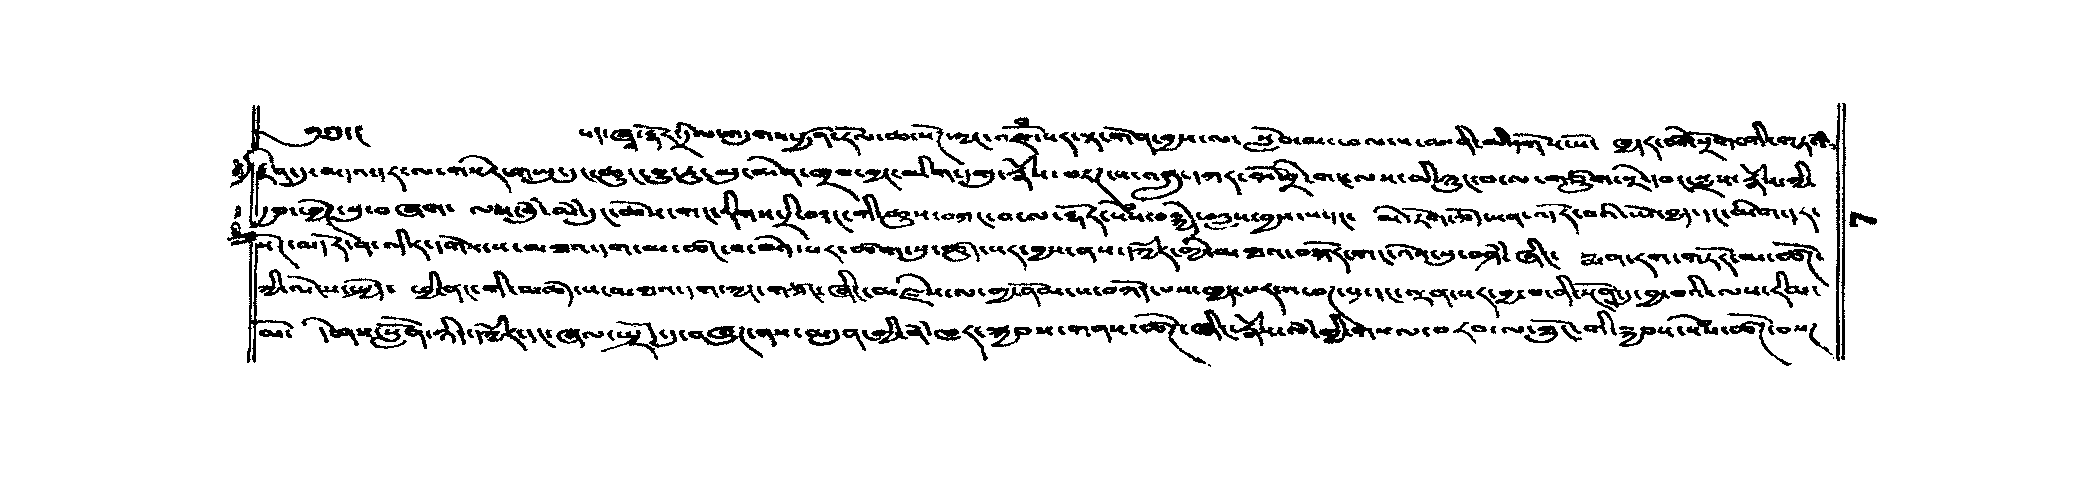པད་ཞྭ་རྡོར་དྲིལ་གདུགས་རྒྱན་མཚན་རོལ་ཆ་སོགས་ཀྱང་འཛིམ་པར་སྟ་གོན་བྱས་ལ། སླེབ་མ་ཕལ་པ་མ་ནི་མི་དགོས་སོ། ཁྱད་པར་ཚེ་སྲོག་གིས་གཏའམ་
རྟེན་དུ་མདའ་དར་ལ་གསེར་གཡུ་དུང་ཆུང་བྱུ་རུ་མུ་མེན་ཁྲབ་བྱང་མིག་དགུ་རྣམས་བརྟགས་པ་འབྲུ་དཀར་མོ་ཕྲེང་གང་ལས་མི་ཉུང་བ་ལ་གཙུག་སྟེ་དབང་རྫས་རྣམས་ཀྱི་
རྒྱབ་ཕྱོགས་སུ་བཞག ལས་བུམ་མམ་དུང་ཆོས་གང་རིགས་དྲི་བཟང་གི་ཆུས་བཀང་བ་ལ་རྡོར་སེམས་བསྐྱེད་བཟླས་བྱས་པ་དང་། མེ་ཏོག་ཅོད་པན་འདོར་བའི་ཡོ་བྱད་དང་མིག་དར་
སོགས་མདོར་ན་འདིར་དགོས་པ་མཐའ་དག་མ་ཚང་བ་མེད་པར་ཚགས་སུ་ཚུད་པར་བྱས་ནས་དཀྱིལ་འཁོར་གྱི་མཐའ་བསྐོར་གང་འོས་སུ་བཤམ་ཞིང་། སྨན་རག་གཏོར་མ་ཚོགས་
ཀྱི་ལོངས་སྤྱོད། ཕྱི་ནང་གི་མཆོད་པ་མཐའ་དག་ཀྱང་གཙང་ཞིང་མཛེས་པ་གྱ་ནོམ་པ་བཀོད་པས་ཁྱད་པར་འཕགས་པ་དང་ལྡན་པར་བྱ་བ་ནི་སྔོན་དུ་བྱ་བའི་ལས་རིམ་
མོ།དེ་ནས་སློབ་དཔོན་ཉིད་དཀྱིལ་འཁོར་དང་ཞལ་སྤྲོད་དུ་བཞུགས་ནས་མདུན་གྱི་ནམ་མཁར་སྐྱབས་གནས་ཚོགས་ཞིང་རྣམས་ལམ་གྱི་གསལ་བཏབ་ལ་ཐུན་མོང་གི་སྐྱབས་སེམས་ཚོགས་བསགས་